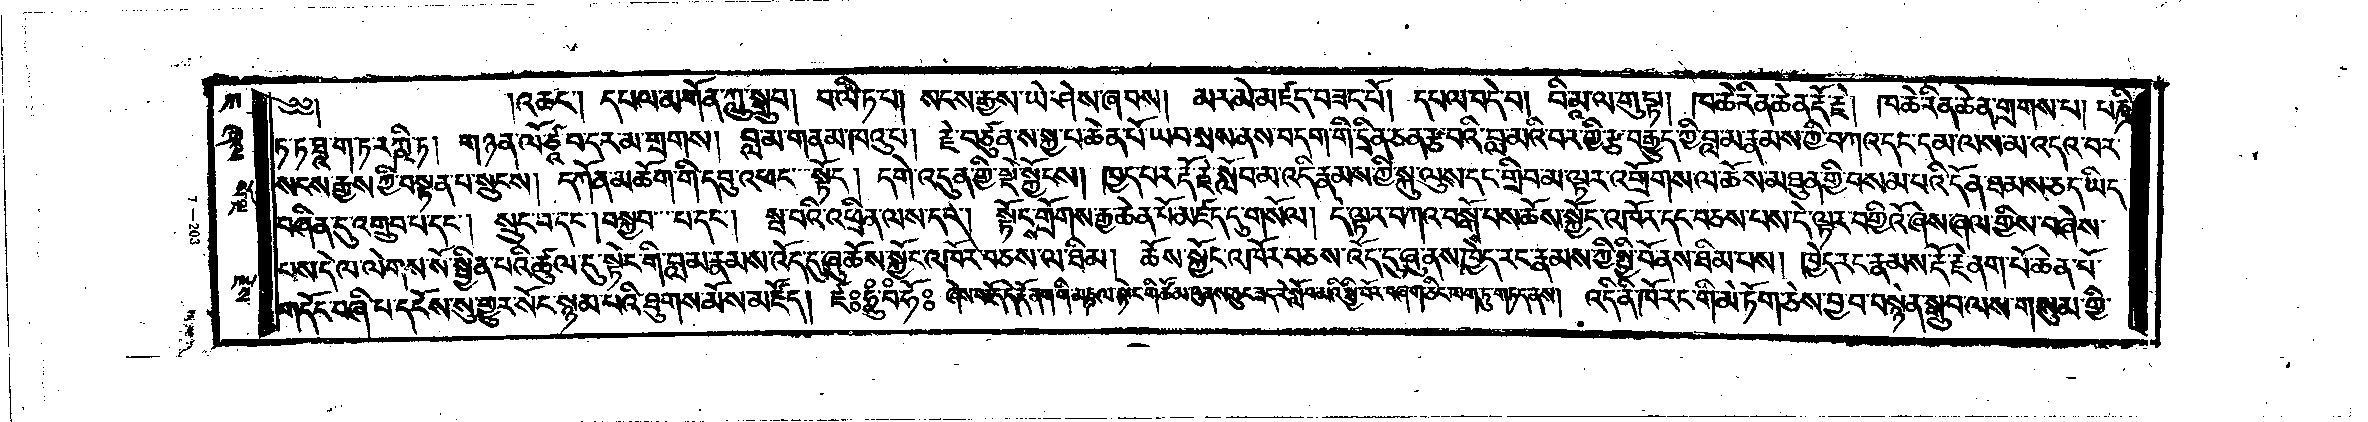༄༅། །འཆང་། དཔལ་མགོན་ཀླུ་སྒྲུབ། བ་ལིཾ་ཏ་པ། སངས་རྒྱས་ཡེ་ཤེས་ཞབས། མར་མེ་མཛད་བཟང་པོ། དཔལ་བདེ་བ། བི་མཱ་ལ་གུཔྟ། ཁ་ཆེ་རིན་ཆེན་རྡོ་རྗེ། ཁ་ཆེ་རིན་ཆེན་གྲགས་པ། པཎྜི་
ཏ་ཏ་ཐཱ་ག་ཏ་རཀྵི་ཏ། གཉན་ལོ་ཙཱ་བ་དར་མ་གྲགས། བླ་མ་གནམ་མཁའུ་པ། རྗེ་བཙུན་ས་སྐྱ་བ་ཆེན་པོ་ཡབ་སྲས་ནས་བདག་གི་དྲིན་ཅན་རྩ་བའི་བླ་མའི་བར་གྱི་རྩ་བརྒྱུད་ཀྱི་བླ་མ་རྣམས་ཀྱི་བཀའ་དང་དམ་ལས་མ་འདའ་བར་
སངས་རྒྱས་ཀྱི་བསྟན་པ་སྲུངས། དཀོན་མཆོག་གི་དབུ་འཕང་སྟོད། དགེ་འདུན་གྱི་སྡེ་སྐྱོངས། ཁྱད་པར་རྡོ་རྗེ་སློབ་མ་འདི་རྣམས་ཀྱི་སྐུ་ལུས་དང་གྲིབ་མ་ལྟར་འགྲོགས་ལ་ཆོས་མཐུན་གྱི་བསམ་པའི་དོན་ཐམས་ཅད་ཡིད་
བཞིན་དུ་འགྲུབ་པ་དང་། སྲུང་བ་དང་། བསྐྱབ་པ་དང་། སྦ་བའི་འཕྲིན་ལས་དང་། སྟོངས་གྲོགས་རྒྱ་ཆེན་པོ་མཛད་དུ་གསོལ། དེ་ལྟར་བཀའ་བསྒོ་བས་ཆོས་སྐྱོང་འཁོར་དང་བཅས་པས་དེ་ལྟར་བགྱིའོ་ཞེས་ཞལ་གྱིས་བཞེས་
བས་དེ་ལ་ལེགས་སོ་སྦྱིན་པའི་ཚུལ་དུ་སྟེང་གི་བླ་མ་རྣམས་འོད་དུ་ཞུ་ཆོས་སྐྱོང་འཁོར་བཅས་ལ་ཐིམ། ཆོས་སྐྱོང་འཁོར་བཅས་འོད་དུ་ཞུ་ནས་ཁྱད་རང་རྣམས་ཀྱི་སྤྱི་བོ་ནས་ཐིམ་པས། ཁྱེད་རང་རྣམས་རྡོ་རྗེ་ནག་པོ་ཆེན་པོ་
གདོང་བཞི་པ་དངོས་སུ་གྱུར་སོང་སྙམ་བའི་ཐུགས་མོས་མཛོད། ཛཿཧཱུཾ་བཾ་ཧོཿཞེས་བརྗོད་དེ་རྡོ་རྗེ་ནག་གི་མཎྜལ་སྟེང་གི་ཚོམ་བུ་ནས་ཅུང་ཟད་རེ་སློབ་མའི་སྤྱི་བོར་བཞག་ཅིང་ལག་ཏུ་གཏད་ནས།  འདི་ནི་ཁོ་རང་གི་མེ་ཏོག་ཅེས་བྱ་བ་བསྙེན་སྒྲུབ་ལས་གསུམ་གྱི་